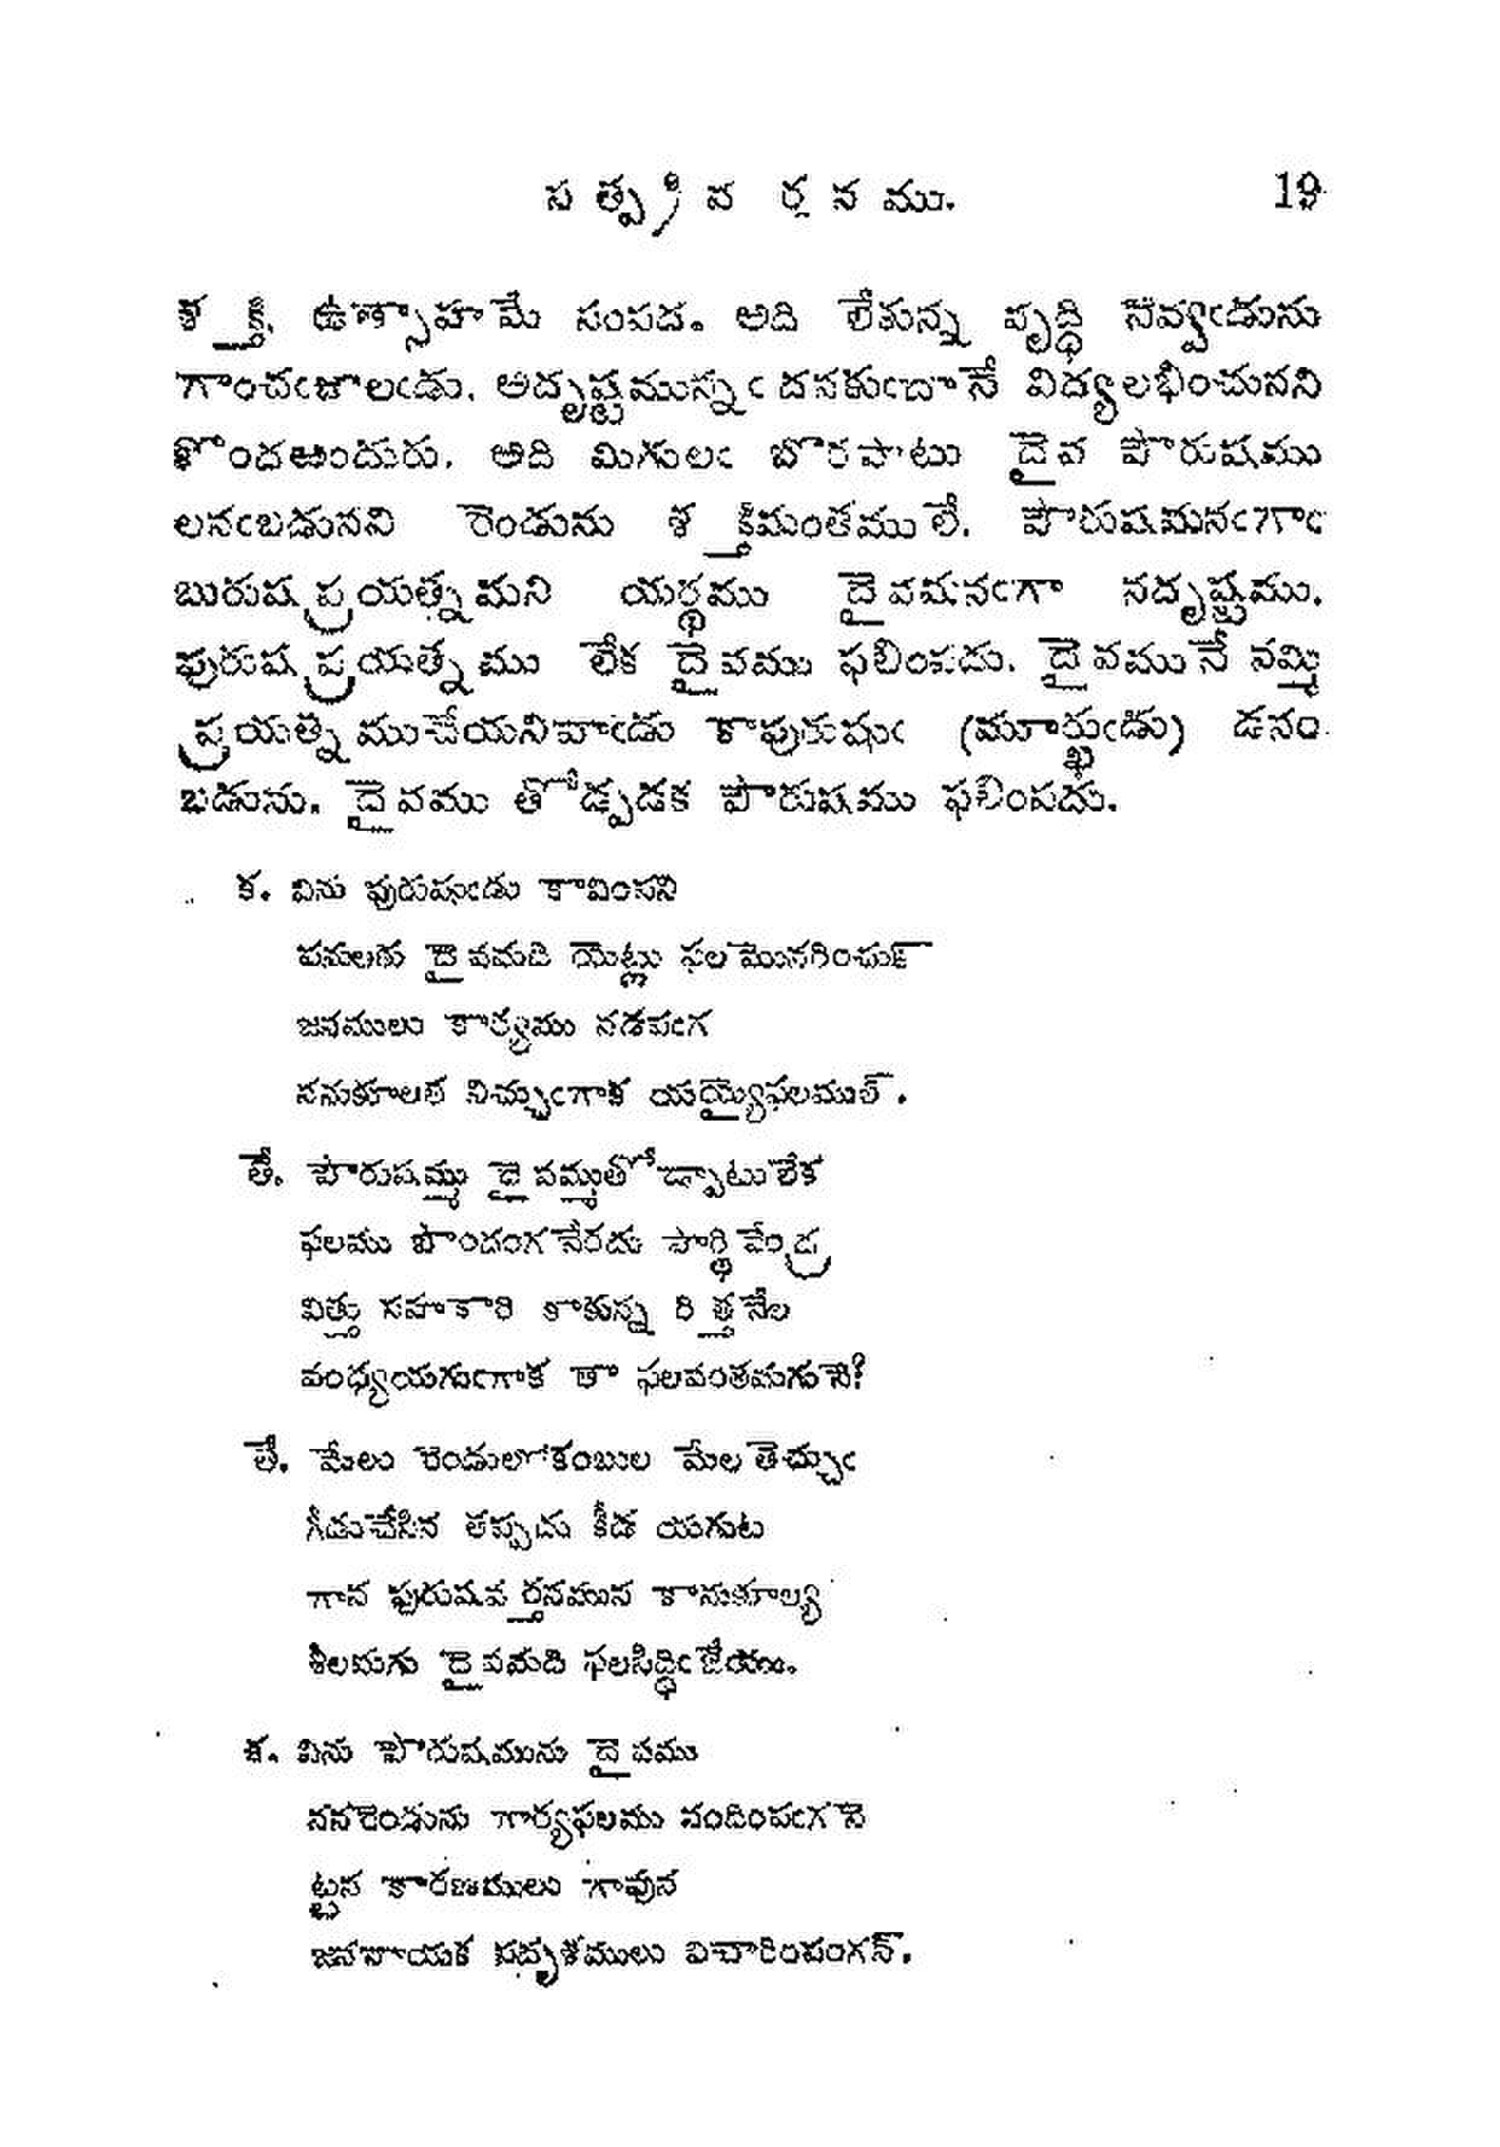శక్తి ఉత్సాహమే సంపద. అది లేకున్న వృద్ధి నెవ్వండును గాంచఁజూలఁడు, అదృష్టమున్నఁ దనకుదానే విద్య లభించునని కొంద ఱందురు. అది మిగులం బొరపాటు. దైవ పొరుషము లనఁబడునని రెండును శక్తిమంతములే. పౌరుషమనంగా బురుష ప్రయత్నమని యర్థము దైవమనఁగా నదృష్టము. పురుష ప్రయత్నము లేక దైవము ఫలింగదు. దైవము నే నమ్మి ప్రయత్నము చేయని వాడు కాపురుషు (మూర్జుఁడు) డనంబడును. దైవము తోడ్పడక పౌరుషము ఫలింపదు. 

క. విను పురుషుడు కావింసని
పనులను జైషముడి యెట్లు ఫల మొనగించున్ 
జనములు కార్యము నడపంగ
సనుకూలత నిచ్చుంగాక యయ్యెఫలముల్ . 

తే. పౌరుషము దైవముతో డ్పాటు లేక 
ఫలము పొందంగ నేరడు పార్టీ వేంద్ర, 
విత్తు సహకారి కాకున్న రిత్త నేల 
వంధ్యయగుగాక తా ఫలవంతముగునె?? 

తే.మేలు రెండు లోకంబుల మేల తెచ్చు. 
గీడు చేసిన తప్పుదు కీడ యగుట 
గాన పురుషవర్తనముస కానుకూల్య'
శీలమగు 'దైవమది ఫలసిద్ధిం జేయు, 

క. విను పౌరుషమును దైవము
ననరెండును గార్యఫలము నందింపగనె 
ట్టన కారణములు గావున 
జన నాయక సదృశములు విచారింపంగస్ ,